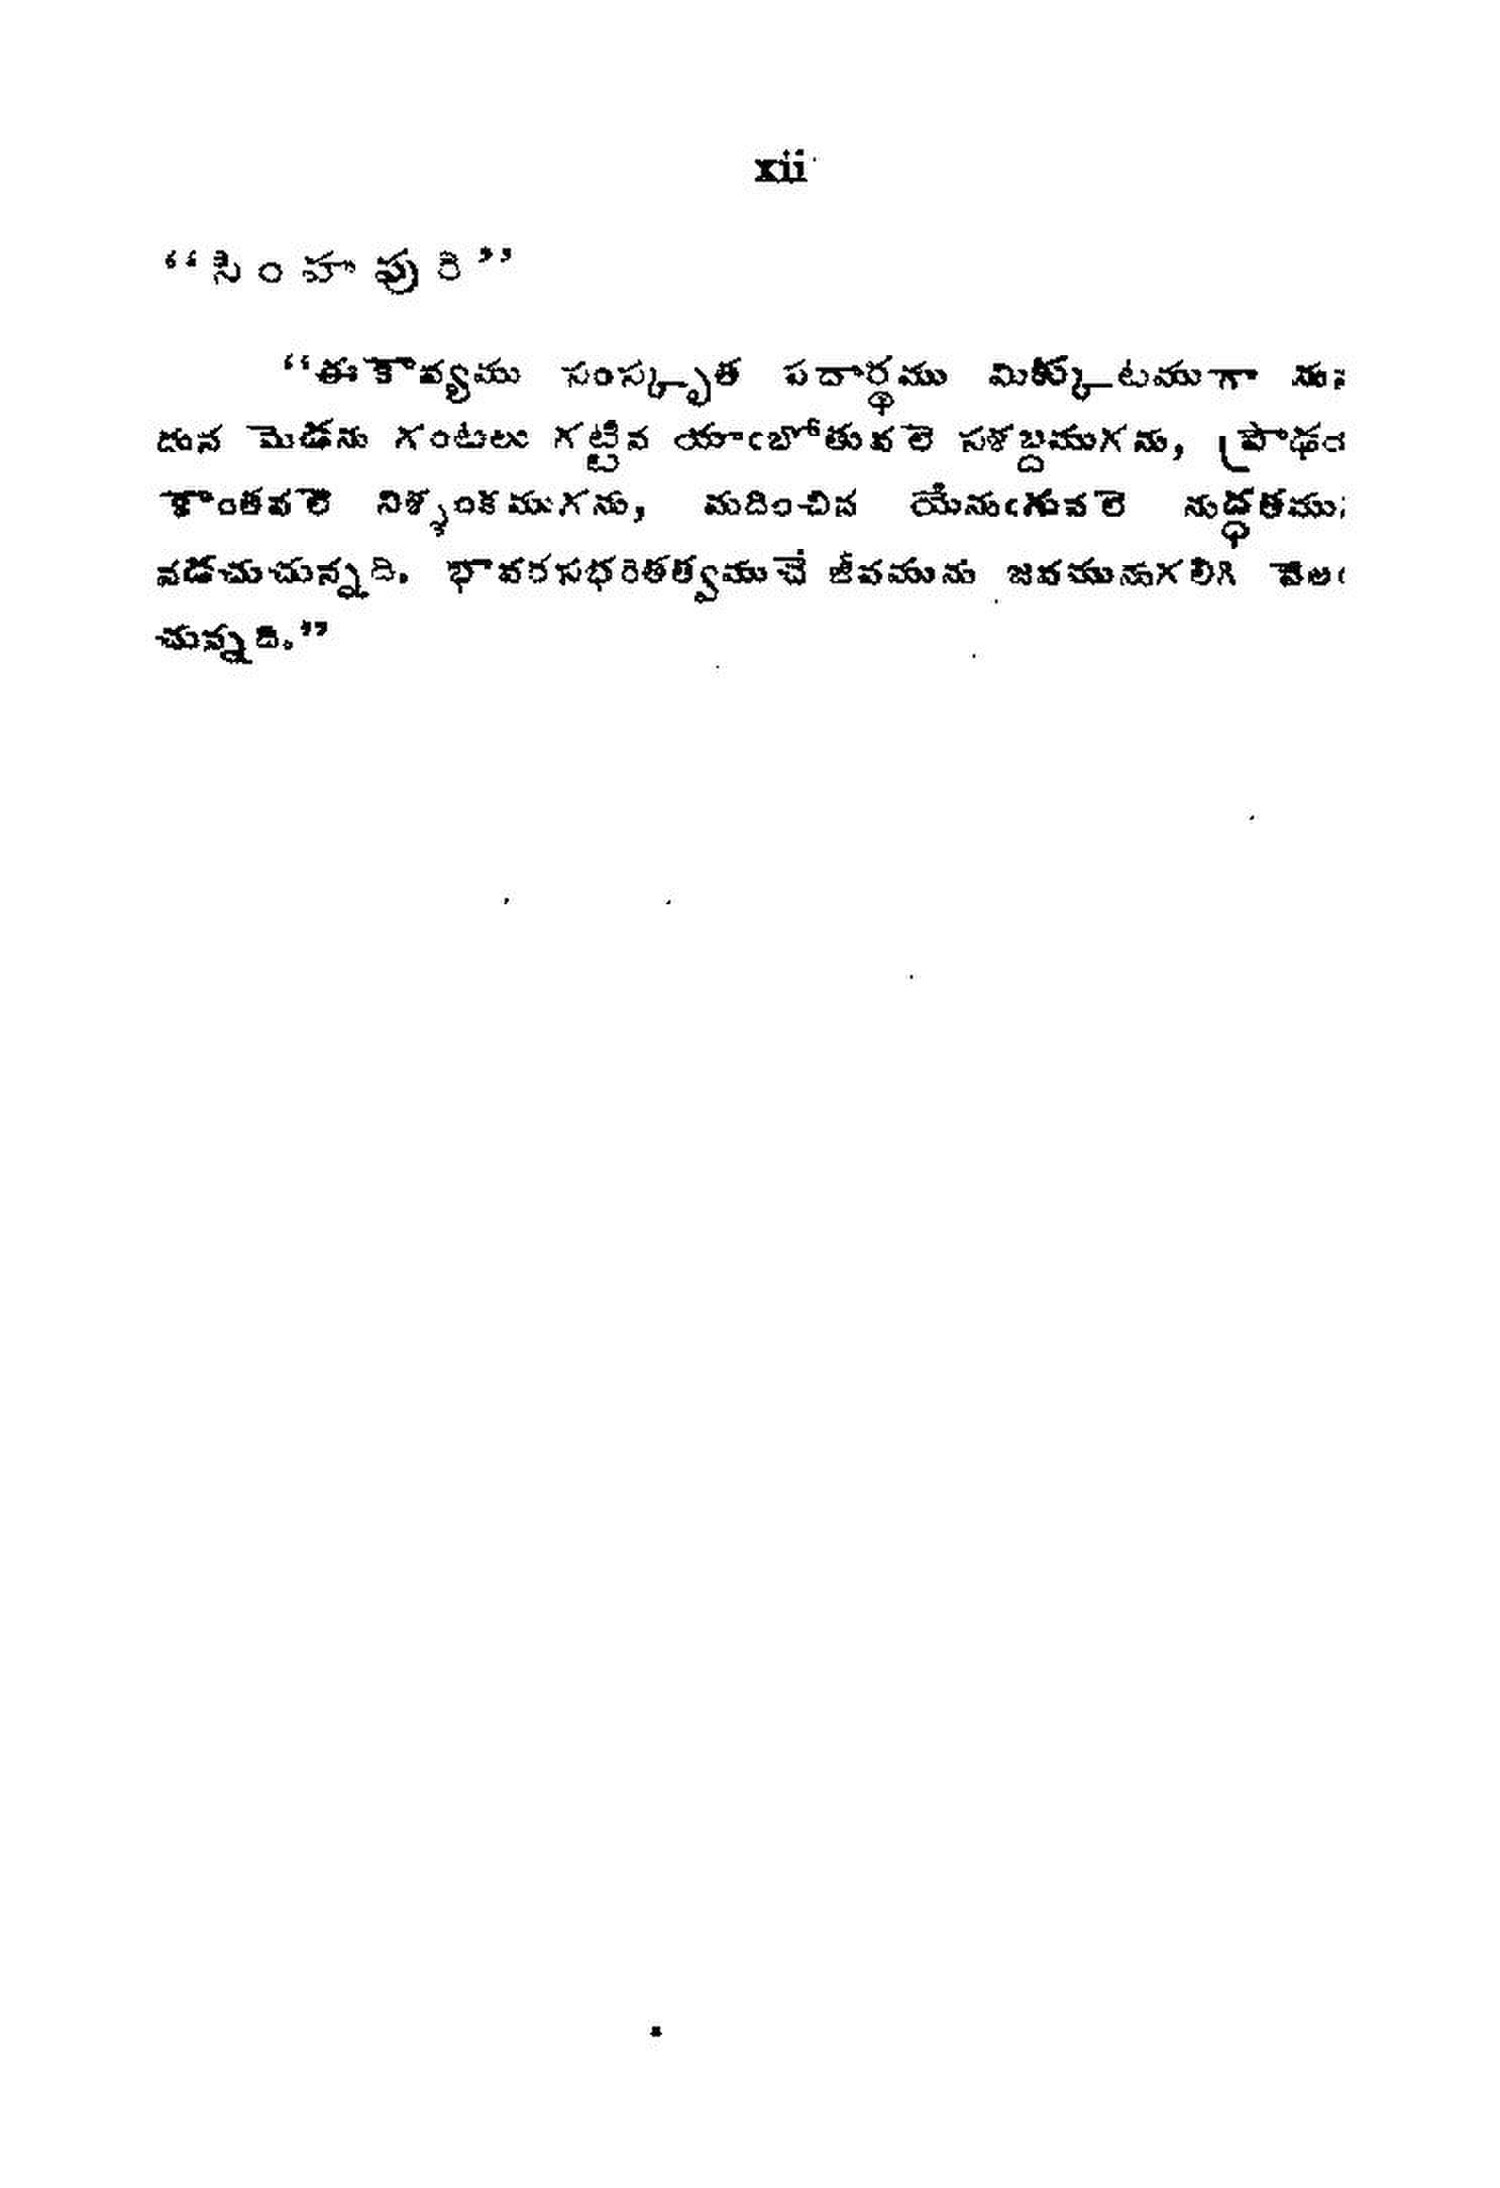"సింహపురి ”

"ఈ కావ్యము సంస్కృత పదార్థము మిక్కుటముగా నుందున మెడను గంటలు గట్టిన యాఁబోతువలె సశబ్దముగను, ప్రౌఢం
కాంతవలె నిశ్శంకముగను, మదించిన యేనుఁగువలె నుద్ధతము; నడచుచున్నది, భావరసభరితత్వముచే జీవమును జవమును గలిగి వెలయు చున్నది."